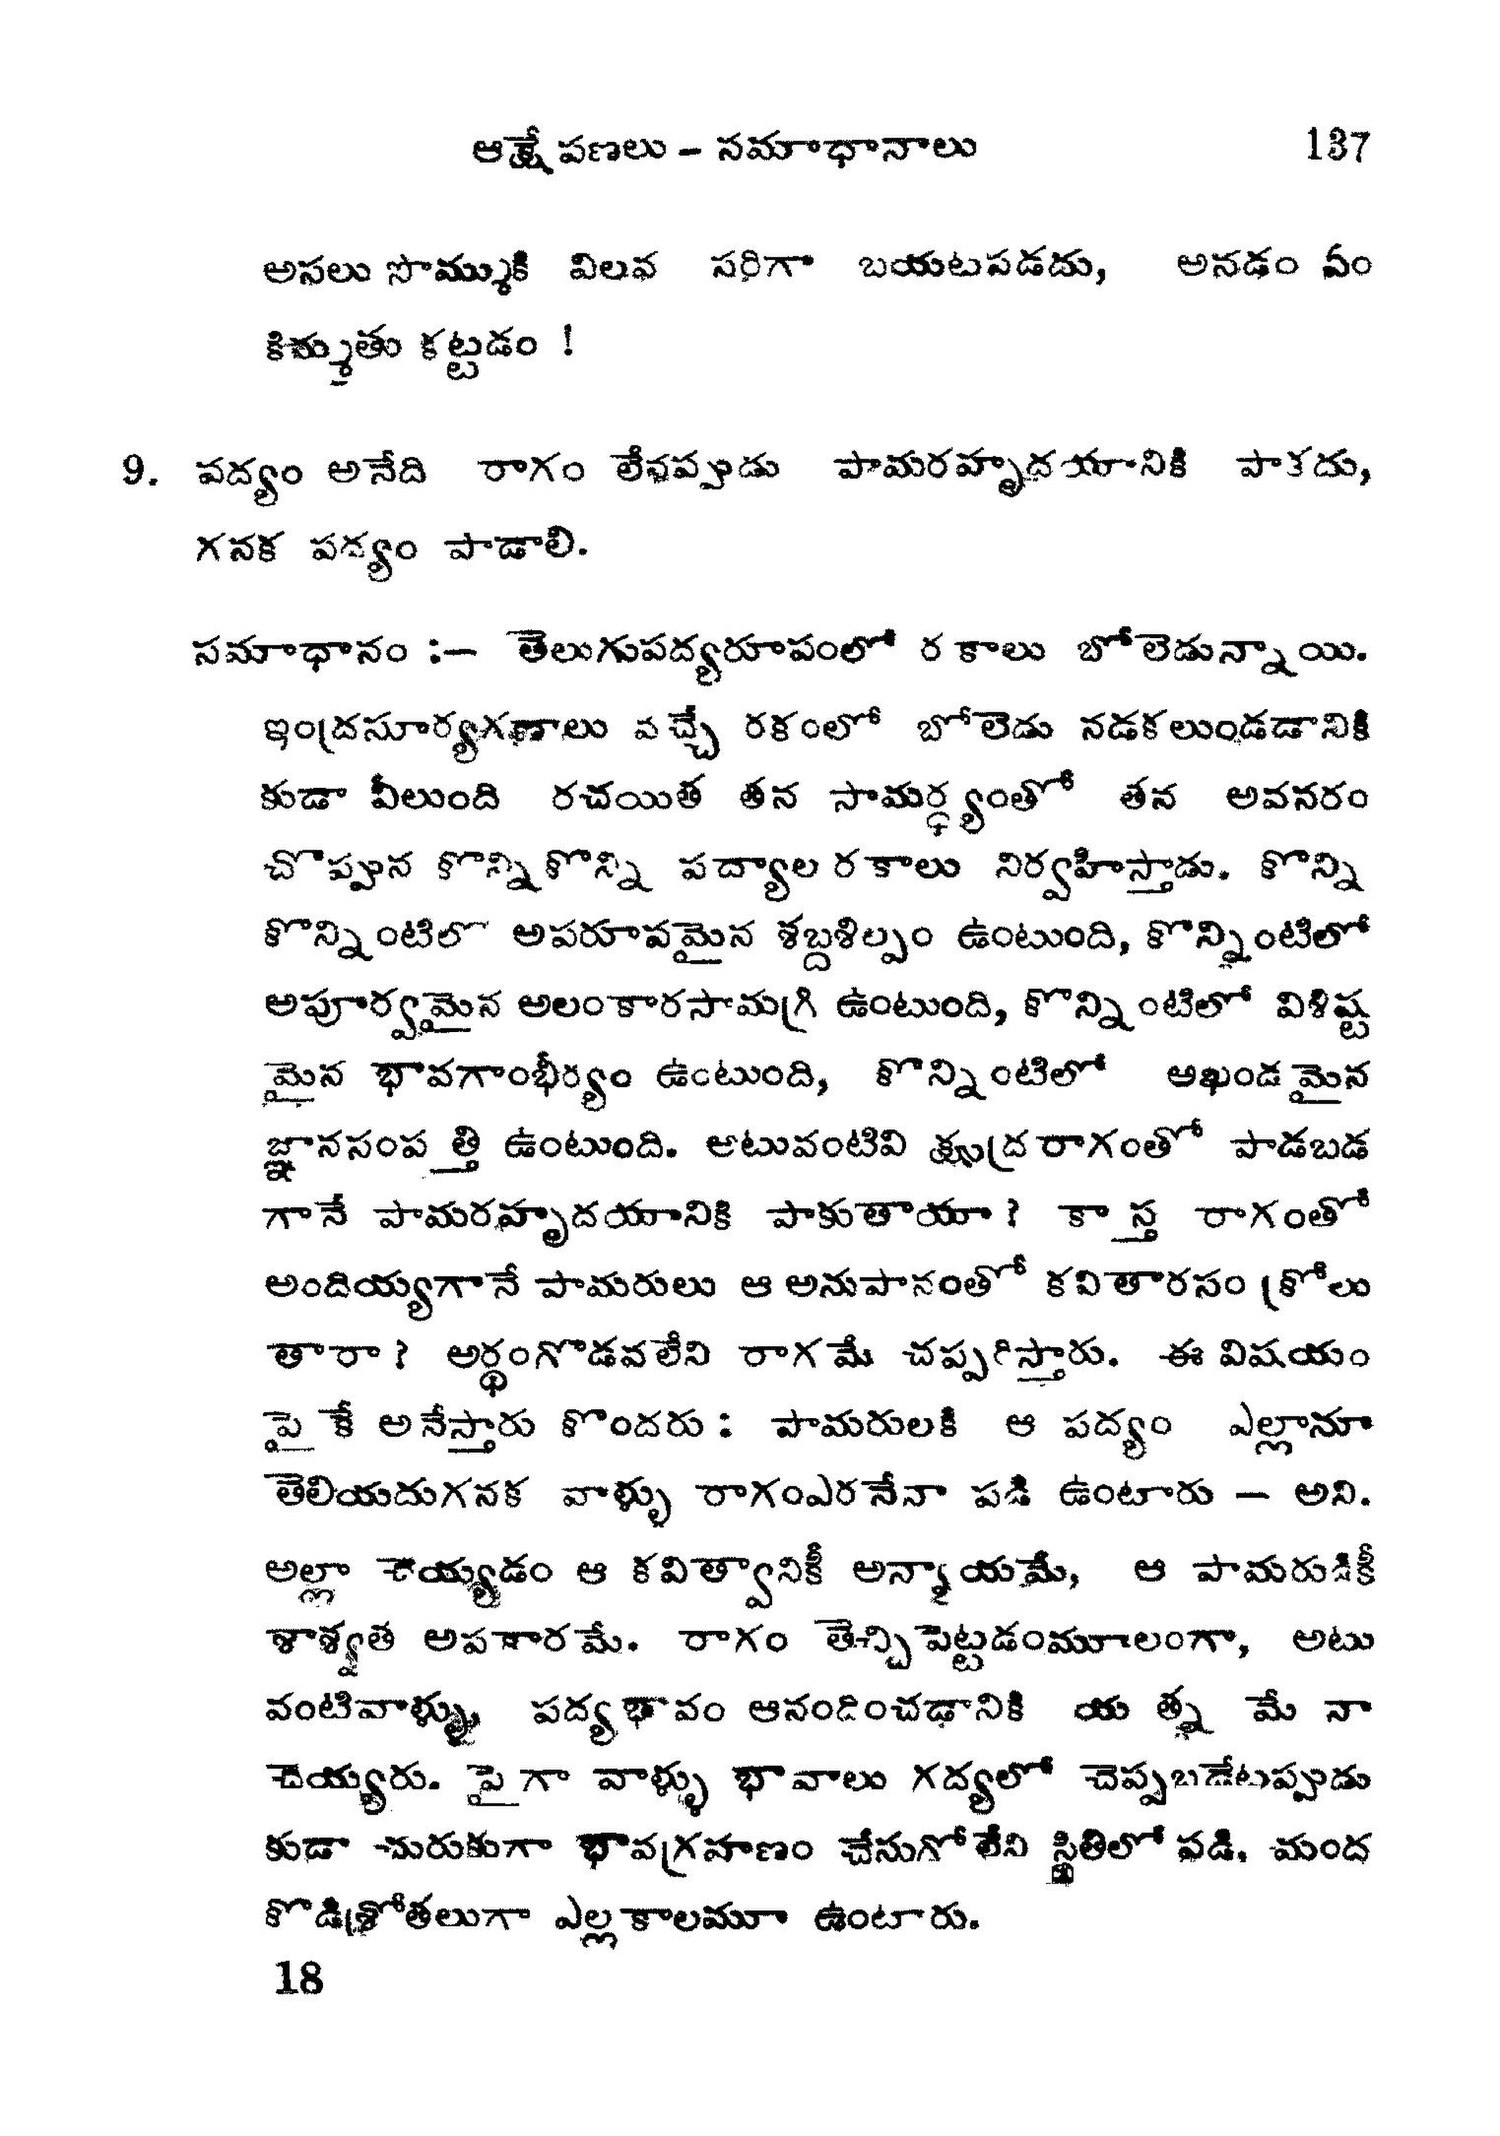అసలు సొమ్ముకి విలవ సరిగా బయటపడదు, అనడం ఏం
కిమ్మతు కట్టడం !

9. పద్యం అనేది రాగం లేనప్పుడు పామరహృదయానికి పాకదు,
గనక పద్యం పాడాలి.

సమాధానం :– తెలుగుపద్యరూపంలో రకాలు బోలెడున్నాయి.
ఇంద్రసూర్యగణాలు వచ్చే రకంలో బోలెడు నడకలుండడానికి
కుడా వీలుంది రచయిత తన సామర్ధ్యంతో తన అవసరం
చొప్పున కొన్నికొన్ని పద్యాల రకాలు నిర్వహిస్తాడు. కొన్ని
కొన్నింటిలో అపరూపమైన శబ్దశిల్పం ఉంటుంది, కొన్నింటిలో
అపూర్వమైన అలంకారసామగ్రి ఉంటుంది, కొన్నింటిలో విశిష్ట
మైన భావగాంభీర్యం ఉంటుంది, కొన్నింటిలో అఖండమైన
జ్ఞానసంపత్తి ఉంటుంది. అటువంటివి క్షుద్రరాగంతో పాడబడ
గానే పామరహృదయానికి పాకుతాయా? కాస్త రాగంతో
అందియ్యగానే పామరులు ఆ అనుపానంతో కవితారసం క్రోలు
తారా ? అర్థంగొడవలేని రాగమే చప్పరిస్తారు. ఈ విషయం
పై కే అనేస్తారు కొందరు: పామరులకి ఆ పద్యం ఎల్లానూ
తెలియదుగనక వాళ్ళు రాగంఎరనేనా పడి ఉంటారు - అని.
అల్లా చెయ్యడం ఆ కవిత్వానికీ అన్యాయమే, ఆ పామరుడికీ
శాశ్వత అపకారమే. రాగం తెచ్చిపెట్టడంమూలంగా, అటు
వంటివాళ్ళు, పద్యభావం ఆనందించడానికి యత్న మే నా
చెయ్యరు. పైగా వాళ్ళు భావాలు గద్యలో చెప్పబడేటప్పుడు
కుడా చురుకుగా భావగ్రహణం చేసుగోలేని స్థితిలో పడి, మంద
కొడిశ్రోతలుగా ఎల్లకాలమూ ఉంటారు.